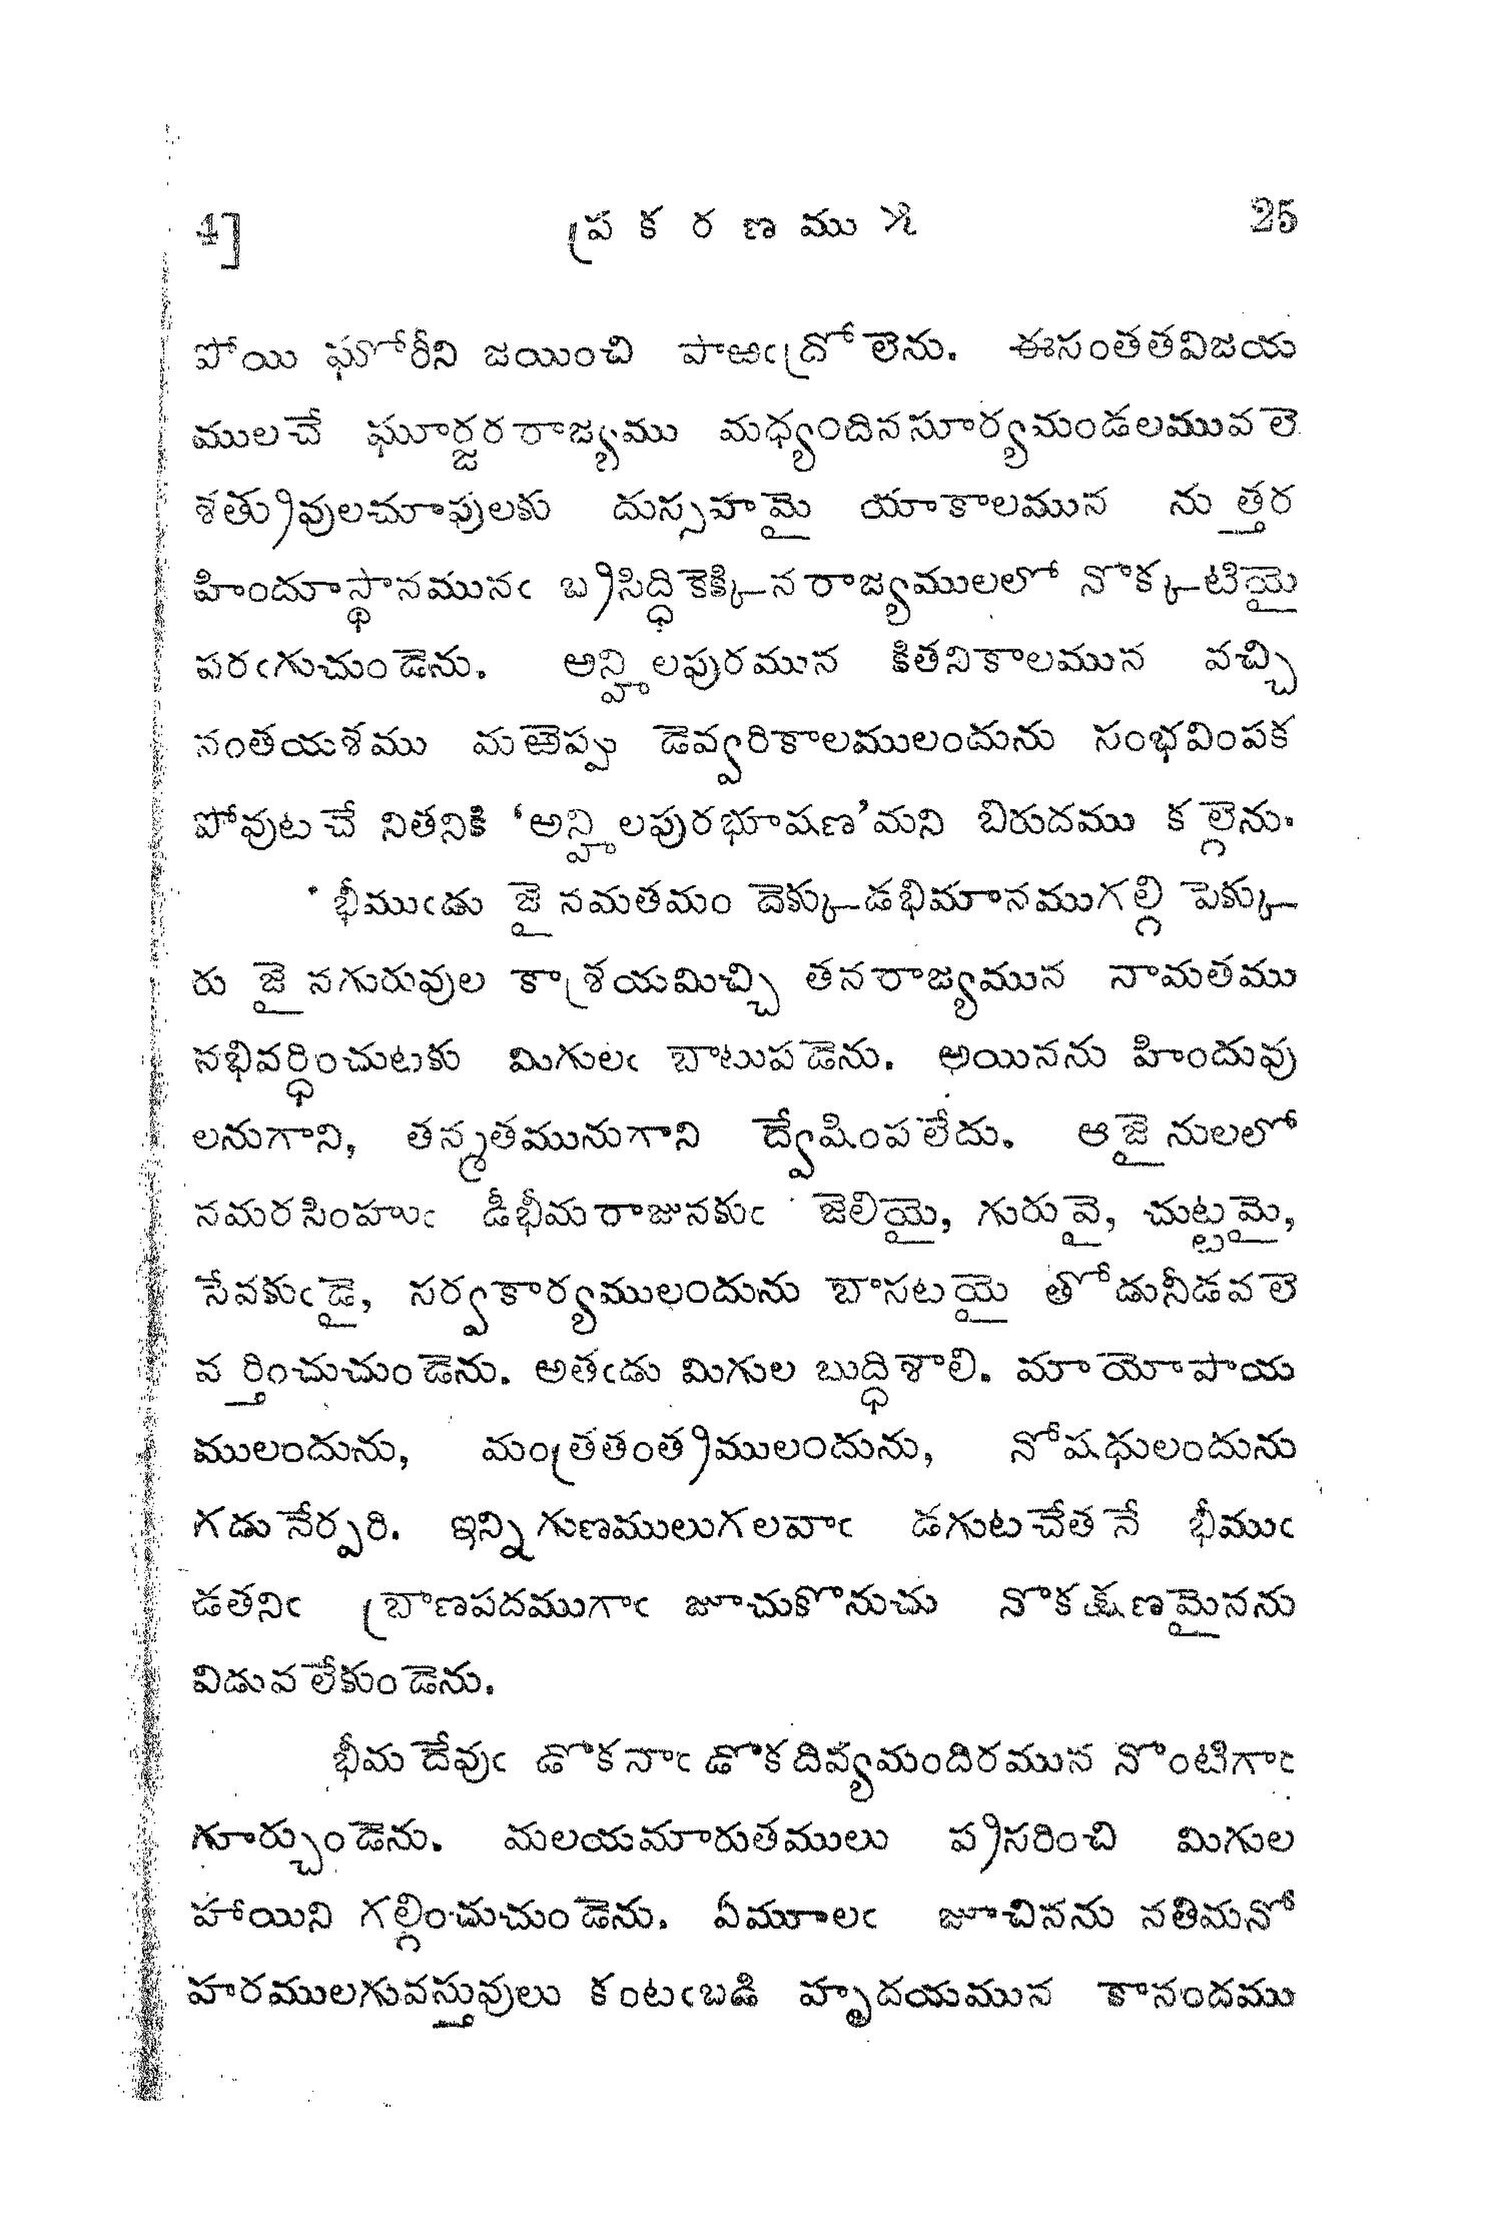పోయి ఘోరీని జయించి పాఱద్రోలెను. ఈసంతత విజయ ములచే మూర్జర రాజ్యము మధ్యందిన సూర్యమండలమువ లె శత్రువుల చూపులకు దుస్సహమై యాకాలమున నుత్తర హిందూస్థానమునఁ బ్రసిద్ధి కెక్కిన రాజ్యములలో నొక్కటియై పరఁగుచుండెను. అస్ట్రేలపురమున కితని కాలమున వచ్చి నంతయశము మటెప్పు డెవ్వరికాల ములందును సంభవింపక పోవుట చే నితనికి 'అస్ట్రేలపుర భూషణ'మని బిరుదము కల్లెను

• భీముఁడు జైనమత మం దెక్కుడభిమానము గల్లి పెక్కు రు జై నగురువుల కాశ్రయమిచ్చి తన రాజ్యమున నామతము సభివర్ధించుటకు మిగులఁ బాటుపడెను. అయినను హిందువు లనుగాని, తన్మతమును గాని ద్వేషింప లేదు, ఆజైనులలో సమర సింహు: డీ భీమ రాజునకుఁ ' జెలియై, గురువై, చుట్టమై, సేవకుఁడై, సర్వకార్యములందును బాసటయై తోడునీడవలె కరించుచుండెను. అతఁడు మిగుల బుద్ధిశాలి. మాయోపాయ ములందును, మంత్రతంత్రములందును, మంత్రతంత్రములందును, నోషధులందును గడు నేర్పరి. ఇన్ని గుణములుగలవాఁ డగుట చేతనే భీముఁ డతనిఁ బ్రాణపదముగాఁ జూచుకొనుచు నొక క్షణమైనను విడువ లేకుండెను. భీమ దేవుఁ డొకనాఁ డొక దివ్యమందిరమున నొంటిగా గూర్చుండెను. మలయమారుతములు ప్రసరించి మిగుల హాయిని గల్గించుచుండెను. ఏమూలఁ జూచినను నతిమనో హరములగువస్తువులు కంటఁబడి హృదయమున కానందము